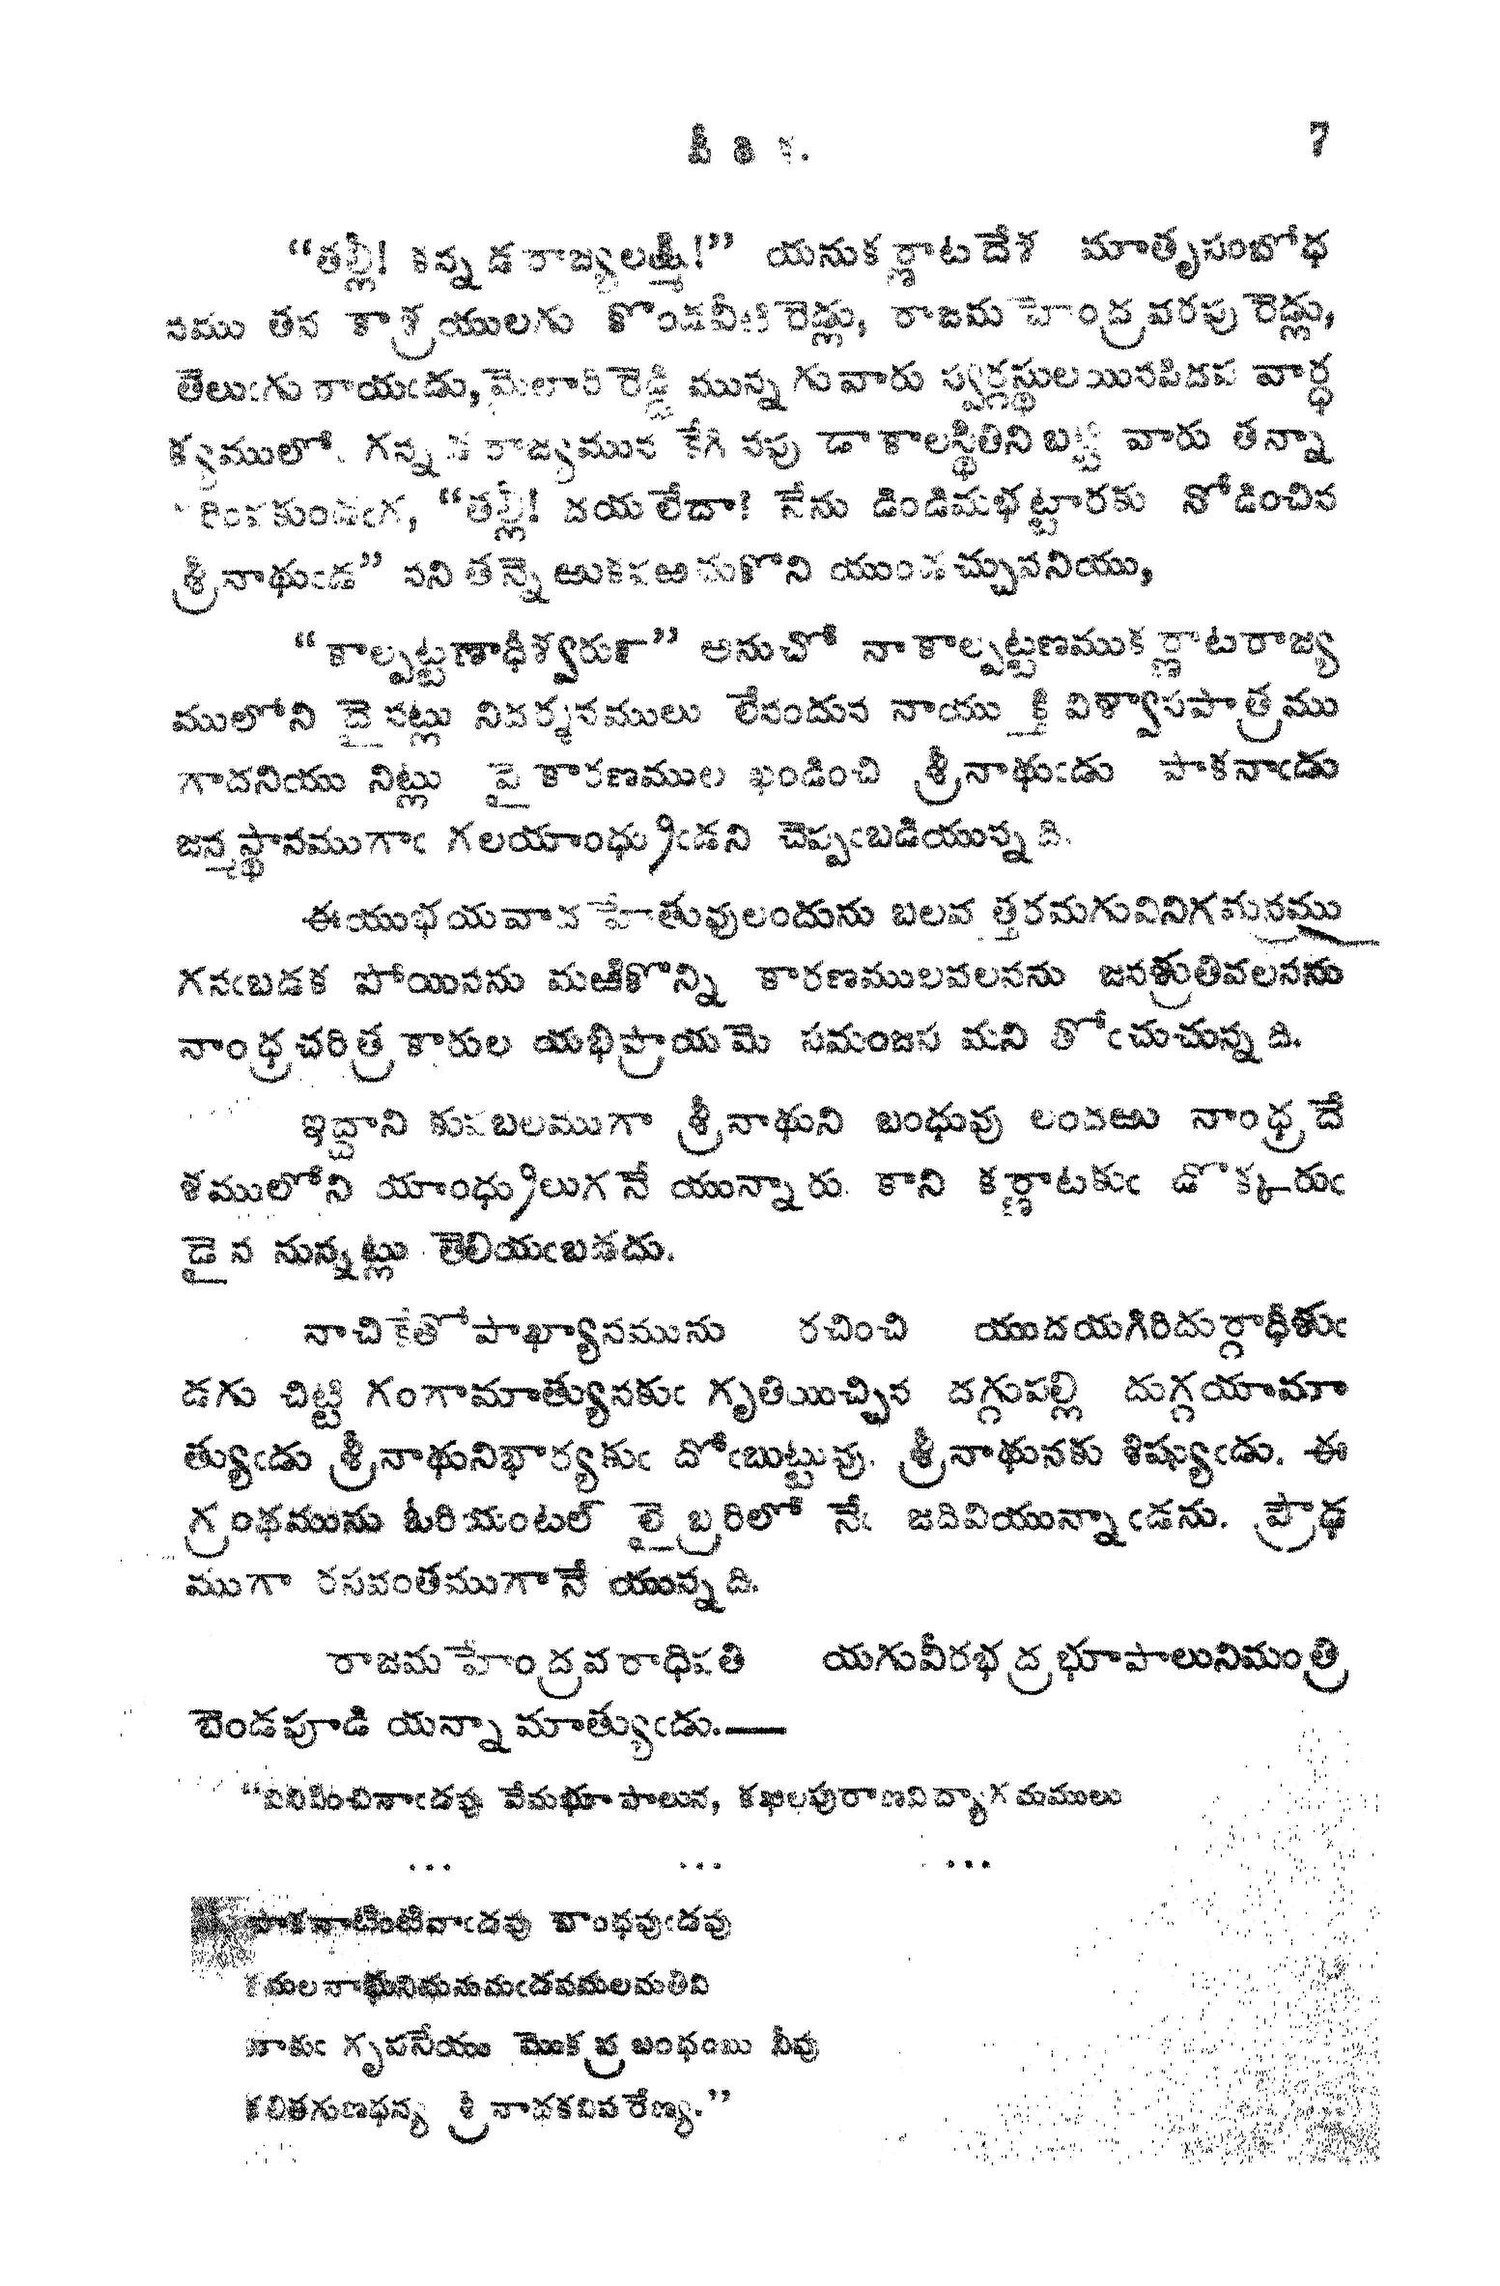"తల్లీ! కన్నడ రాజ్యలక్ష్మి!” యనుకర్ణాటదేశ మాతృసంబోధసము తన కాశ్రయులగు కొండవీటిరెడ్లు, రాజమహేంద్రవరపురెడ్లు, తెలుఁగురాయఁడు, మైలారిరెడ్డి మున్నగువారు స్వర్గస్థులయినపిదకు వార్ధక్యములోఁ గన్నడరాజ్యమున కేగినపు డాకాలస్థితినిబట్టి వారు తన్నాదరింపకుండఁగ "తల్లీ! దయలేదా? నేను డిండిమభట్టారకు నోడించిన శ్రీనాథుఁడ” నని తన్నెఱుకపఱుచుకొని యుండచ్చుననియు,

“కాల్పట్టణాధీశ్వరున్” అనుచో నాకాల్పట్టణము కర్ణాటరాజ్యములోని దైనట్లు నిదర్శనములు లేనందున నాయుక్తి విశ్వాసపాత్రము గాదనియు నిట్లు పైకారణముల ఖండించి శ్రీనాథుఁడు పాకనాఁడు జన్మస్థానముగాఁ గలయాంధ్రుఁడని చెప్పఁబడియున్నది.

ఈయుభయవాదహేతువులందును బలవత్తరమగువినిగమనము గనఁబడక పోయినను మఱికొన్ని కారణములవలనను జనశ్రుతివలనను నాంధ్రచరిత్రకారుల యభిప్రాయమే సమంజస మని తోఁచుచున్నది.

ఇద్దాని కుపబలముగా శ్రీనాథుని బంధువు లందఱు నాంధ్రదేశములోని యాంధ్రులుగనే యున్నారు. కాని కర్ణాటకుఁ డొక్కరుఁడైన నున్నట్లు తెలియఁబడదు.

నాచికేతోపాఖ్యానమును రచించి యుదయగిరిదుర్గాధీశుఁడగు చిట్టి గంగామాత్యునకుఁ గృతియిచ్చిన దగ్గుపల్లి దుగ్గయామాత్యుఁడు శ్రీనాథునిభార్యకుఁ దోఁబుట్టువు. శ్రీనాథునకు శిష్యుఁడు. ఈ గ్రంథమును ఓరియంటల్ లైబ్రరిలో నేఁ జదివియున్నాఁడను. ప్రౌఢముగా రసవంతముగానే యున్నది. 

రాజమహేంద్రవరాధిపతి యగువీరభద్రభూపాలునిమంత్రి బెండపూడి యన్నామాత్యుఁడు.— 

"వినిపించినాఁడవు. వేమభూపాలున, కఖిలపురాణవిద్యాగమములు
....... ....... ........ ........ ....... ........

పాకనాటింటివాఁడవు బాంధవుఁడవు 
కమలనాభునిమనుమఁడ వమలమతివి 
నాకుఁ గృపసేయు మొకప్రబంధంబు నీవు 
కలితగుణధన్య శ్రీనాథకవివరేణ్య."